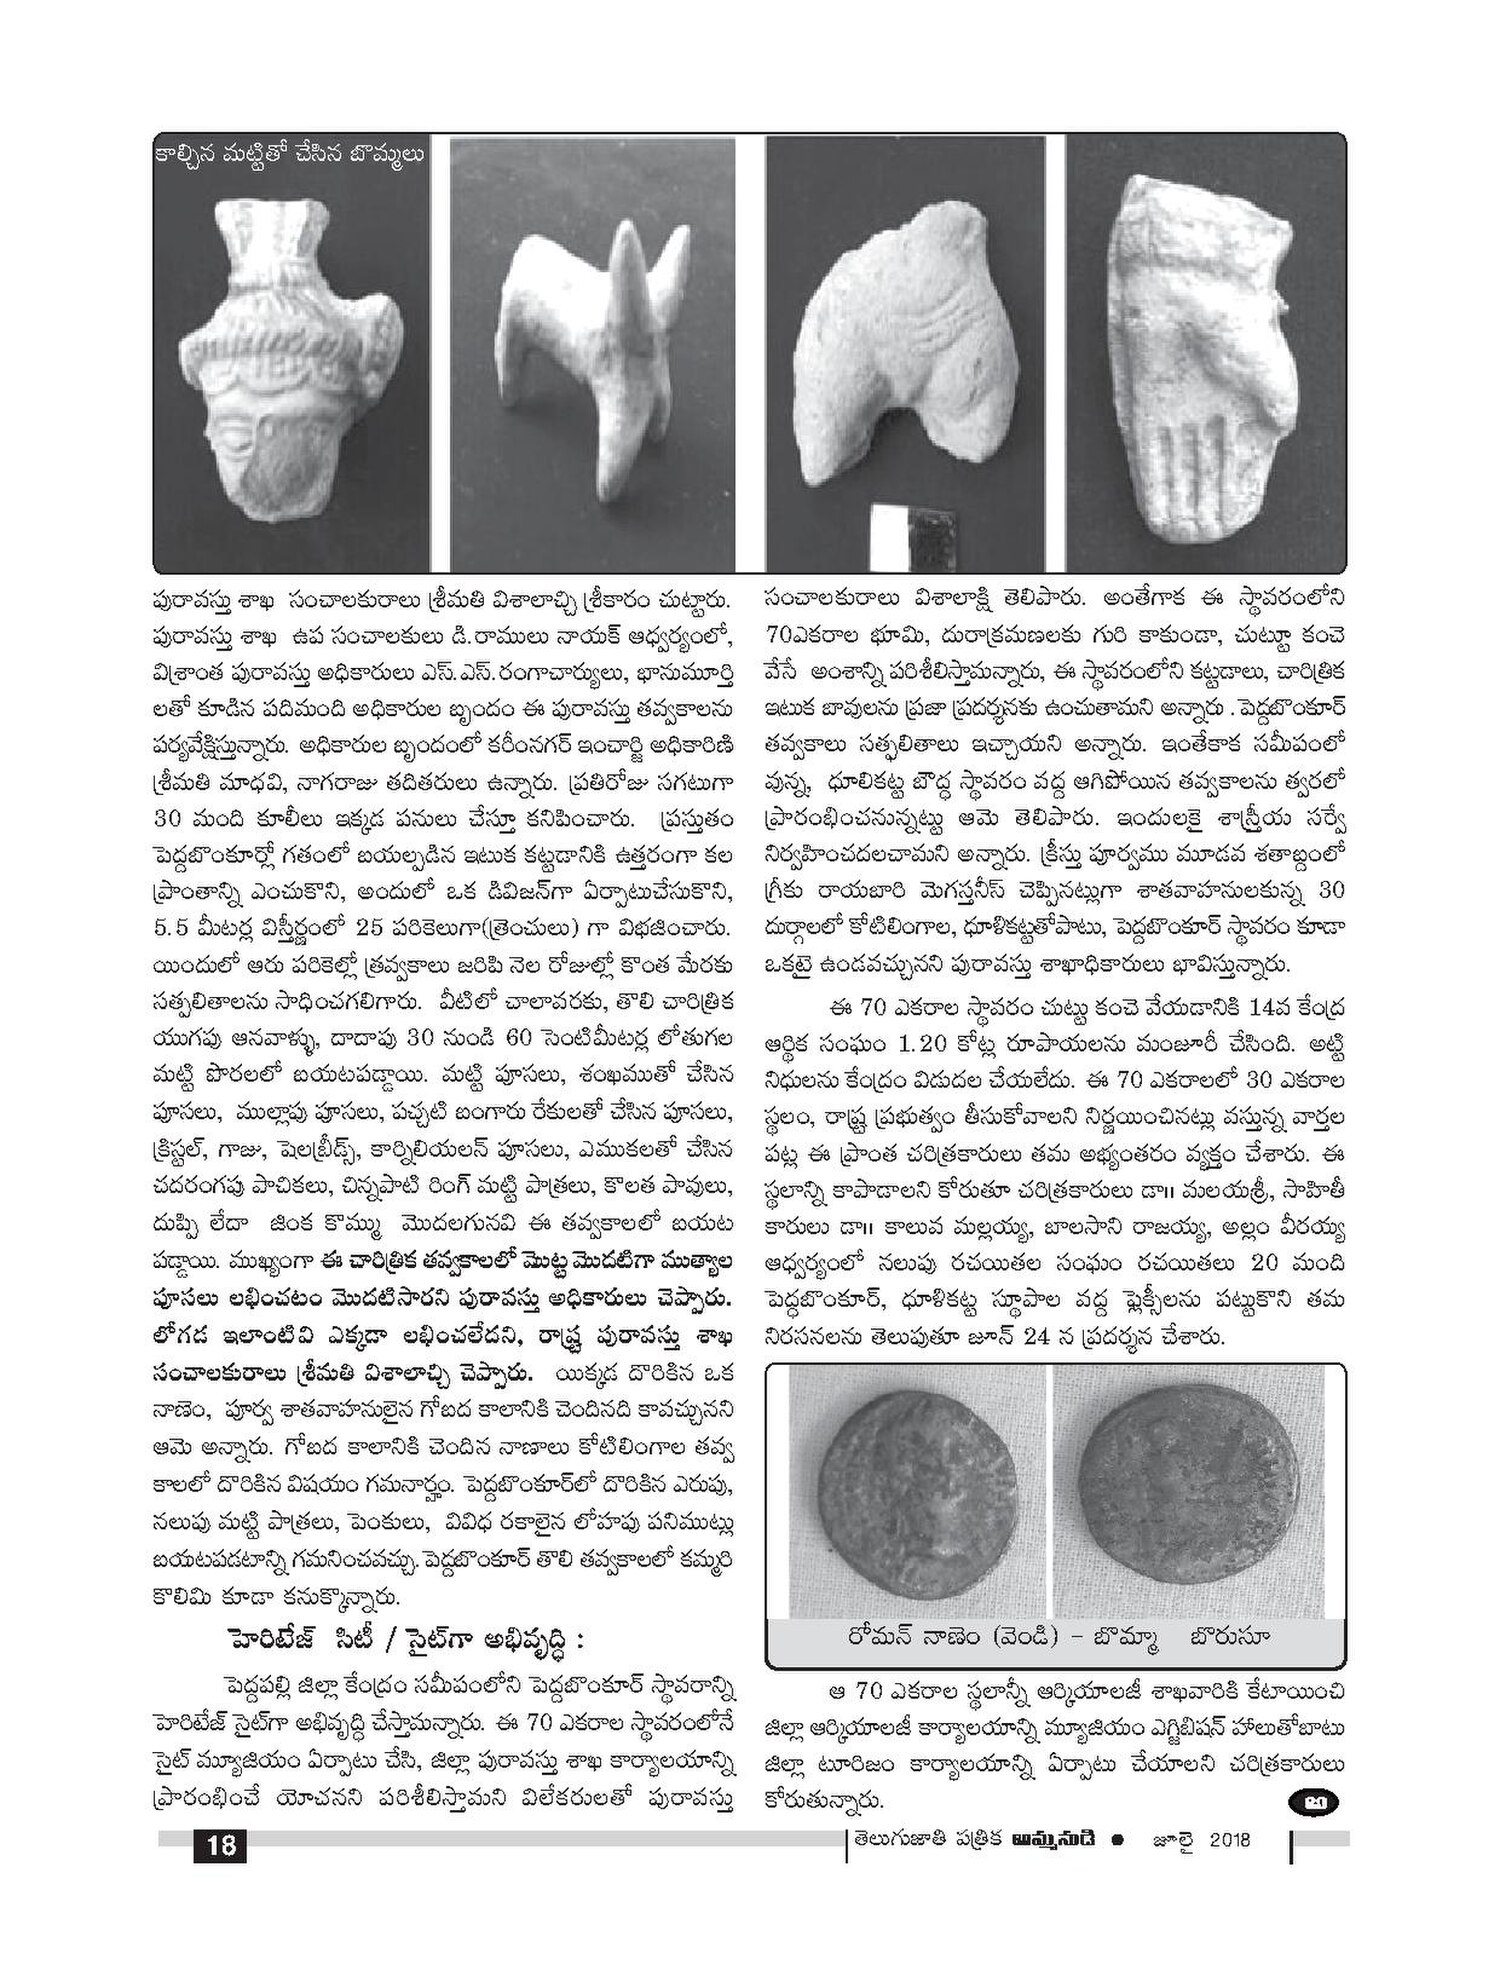పురావస్తు శాఖ సంచాలకురాలు శ్రీమతి విశాలాచ్చి శ్రీకారం చుట్టారు. పురావస్తు శాఖ ఉప సంచాలకులు డి. రాములు నాయక్ ఆధ్వర్యంలో, విశ్రాంత పురావస్తు అధికారులు ఎస్. ఎస్. రంగాచార్యులు, భానుమూర్తిలతో కూడిన పదిమంది అధికారుల బృందం ఈ పురావస్తు తవ్వకాలను పర్యవేక్షిస్తున్నారు. అధికారుల బృందంలో కరీంనగర్ ఇంచార్జి అధికారిణి శ్రీమతి మాధవి, నాగరాజు తదితరులు ఉన్నారు. ప్రతిరోజు సగటుగా 30 మంది కూలీలు ఇక్కడ పనులు చేస్తూ కనిపించారు. ప్రస్తుతం పెద్దబొంకూర్లో గతంలో బయల్పడిన ఇటుక కట్టడానికి ఉత్తరంగా కల ప్రాంతాన్ని ఎంచుకొని, అందులో ఒక డివిజన్‌గా ఏర్పాటుచేసుకొని 5. 5 మీటర్ల విస్తీర్ణంలో 25 పరికెలుగా (త్రెంచులు) గా విభజించారు. యిందులో ఆరు పరికెల్లో త్రవ్వకాలు జరిపి నెల రోజుల్లో కొంత మేరకు సత్ఫలితాలను సాధించగలిగారు. వీటిలో చాలావరకు, తొలి చారిత్రిక యుగపు ఆనవాళ్ళు, దాదాపు 30 నుండి 60 సెంటీమీటర్ల లోతుగల మట్టి పొరలలో బయటపడ్డాయి. మట్టి పూసలు, శంఖముతో చేసిన పూసలు, ముల్లాపు పూసలు, పచ్చటి బంగారు రేకులతో చేసిన పూసలు, క్రిస్టల్, గాజు, షెలబ్రీడ్స్, కార్నిలియలన్ పూసలు, ఎముకలతో చేసిన చదరంగపు పాచికలు, చిన్నపాటి రింగ్ మట్టి పాత్రలు, కొలత పావులు, దుప్పి లేదా జింక కొమ్ము మొదలగునవి ఈ తవ్వకాలలో బయట పడ్డాయి. ముఖ్యంగా ఈ చారిత్రిక తవ్వకాలలో మొట్ట మొదటిగా ముత్యాల పూసలు లభించటం మొదటిసారని పురావస్తు అధికారులు చెప్పారు. లోగడ ఇలాంటివి ఎక్కడ లభించలేదని, రాష్ట్ర పురావస్తు శాఖ సంచాలకురాలు శ్రీమతి విశాలాచ్చి చెప్పారు. యిక్కడ దొరికిన ఒక నాణెం, పూర్వ శాతవాహనులైన గోబద కాలానికి చెందినది కావచ్చునని ఆమె అన్నారు. గోబద కాలానికి చెందిన నాణాలు కోటిలింగాల తవ్వకాలలో దొరికిన విషయం గమనార్హం. పెద్దబొంకూర్‌లో దొరికిన ఎరుపు, నలుపు మట్టి పాత్రలు, పెంకులు, వివిధ రకాలైన లొహపు పనిముట్లు బయటపడటాన్ని గమనించవచ్చు. పెద్దబొంకూర్ తొలి తవ్వకాలలో కమ్మరి కొలిమి కూడా కనుక్కున్నారు.

హెరిటేజ్ సిటీ / సైట్‌గా అభివృద్ధి 

పెద్దపల్లి జిల్లా కేంద్రం సమీపంలోని పెద్దబొంకూర్ స్థావరాన్ని హెరిటేజ్ సైట్‌గా అభివృద్ధి చేస్తామన్నారు. ఈ 70 ఎకరాల స్థావరంలోనే సైట్ మ్యూజియం ఏర్పాటు చేసి, జిల్లా పురావస్తు శాఖ కార్యాలయాన్ని ప్రారంభించే యోచనని పరిశీలిస్తామని విలేకరులతో పురావస్తు సంచాలకురాలు విశాలాక్షి తెలిపారు. అంతేగాక ఈ స్థావరంలోని 70 ఎకరాల భూమి, దురాక్రమణలకు గురి కాకుండా చుట్టూ కంచె వేసే అంశాన్ని పరిశీలిస్తామన్నారు ఈ స్థావరంలోని కట్టడాలు, చారిత్రిక ఇటుక బావులను ప్రజా ప్రదర్శనకు ఉంచుతామని అన్నారు. పెద్దబొంకూర్ తవ్వకాలు సత్ఫలితాలు ఇచ్చాయని అన్నారు. ఇంతేకాక సమీపంలో వున్న ధూలికట్ట బౌద్ధ స్థావరం వద్ద ఆగిపోయిన తవ్వకాలను త్వరలో ప్రారంభించనున్నట్లు ఆమె తెలిపారు. ఇందులకై శాస్త్రీయ సర్వే నిర్వహించదలచామని అన్నారు. క్రీస్తు పూర్వము మూడవ శతాబ్దంలో గ్రీకు రాయబారి మెగస్తనీస్ చెప్పినట్లుగా శాతవాహనులకున్న 30 దుర్గాలలో కోటిలింగాల, ధూళికట్టతోపాటు, పెద్దబొంకూర్ స్థావరం కూడా ఒకటై ఉండవచ్చునని పురావస్తు శాఖాధికారులు భావిస్తున్నారు.

ఈ 70 ఎకరాల స్థావరం చుట్టు కంచె వేయడానికి 14వ కేంద్ర ఆర్థిక సంఘం 1.20 కోట్ల రూపాయలను మంజూరు చేసింది అట్టి నిధులను కేంద్రం విడుదల చేయలేదు. ఈ 70 ఎకరాలలో 30 ఎకరాల స్థలం, రాష్ట్ర ప్రభుత్వం తీసుకోవాలని నిర్ణయించినట్లు వస్తున్న వార్తల పట్ల ఈ ప్రాంత చరిత్రకారులు తమ అభ్యంతరం వ్యక్తం చేశారు. ఈ స్థలాన్ని కాపాడాలని కోరుతూ చరిత్రకారులు డా॥ మలయశ్రీ, సాహితీ కారులు డా॥ కాలువ మల్లయ్య, బాలసాని రాజయ్య, అల్లం వీరయ్య ఆధ్వర్యంలో నలుపు రచయితల సంఘం రచయితలు 20 మంది పెద్దబొంకూర్, ధూళికట్ట స్థూపాల వద్ద ఫ్లెక్సీలను పట్టుకొని తమ నిరసనలను తెలుపుతూ జూన్ 24న ప్రదర్శన చేశారు.

ఆ 70 ఎకరాల స్థలాన్నీ ఆర్కియాలజీ శాఖవారికి కేటాయించి జిల్లా ఆర్కియాలజీ కార్యాలయాన్ని మ్యూజియం ఎగ్జిబిషన్ హాలుతోబాటు జిల్లా టూరిజం కార్యాలయాన్ని ఏర్పాటు చేయాలని చరిత్రకారులు కోరుతున్నారు